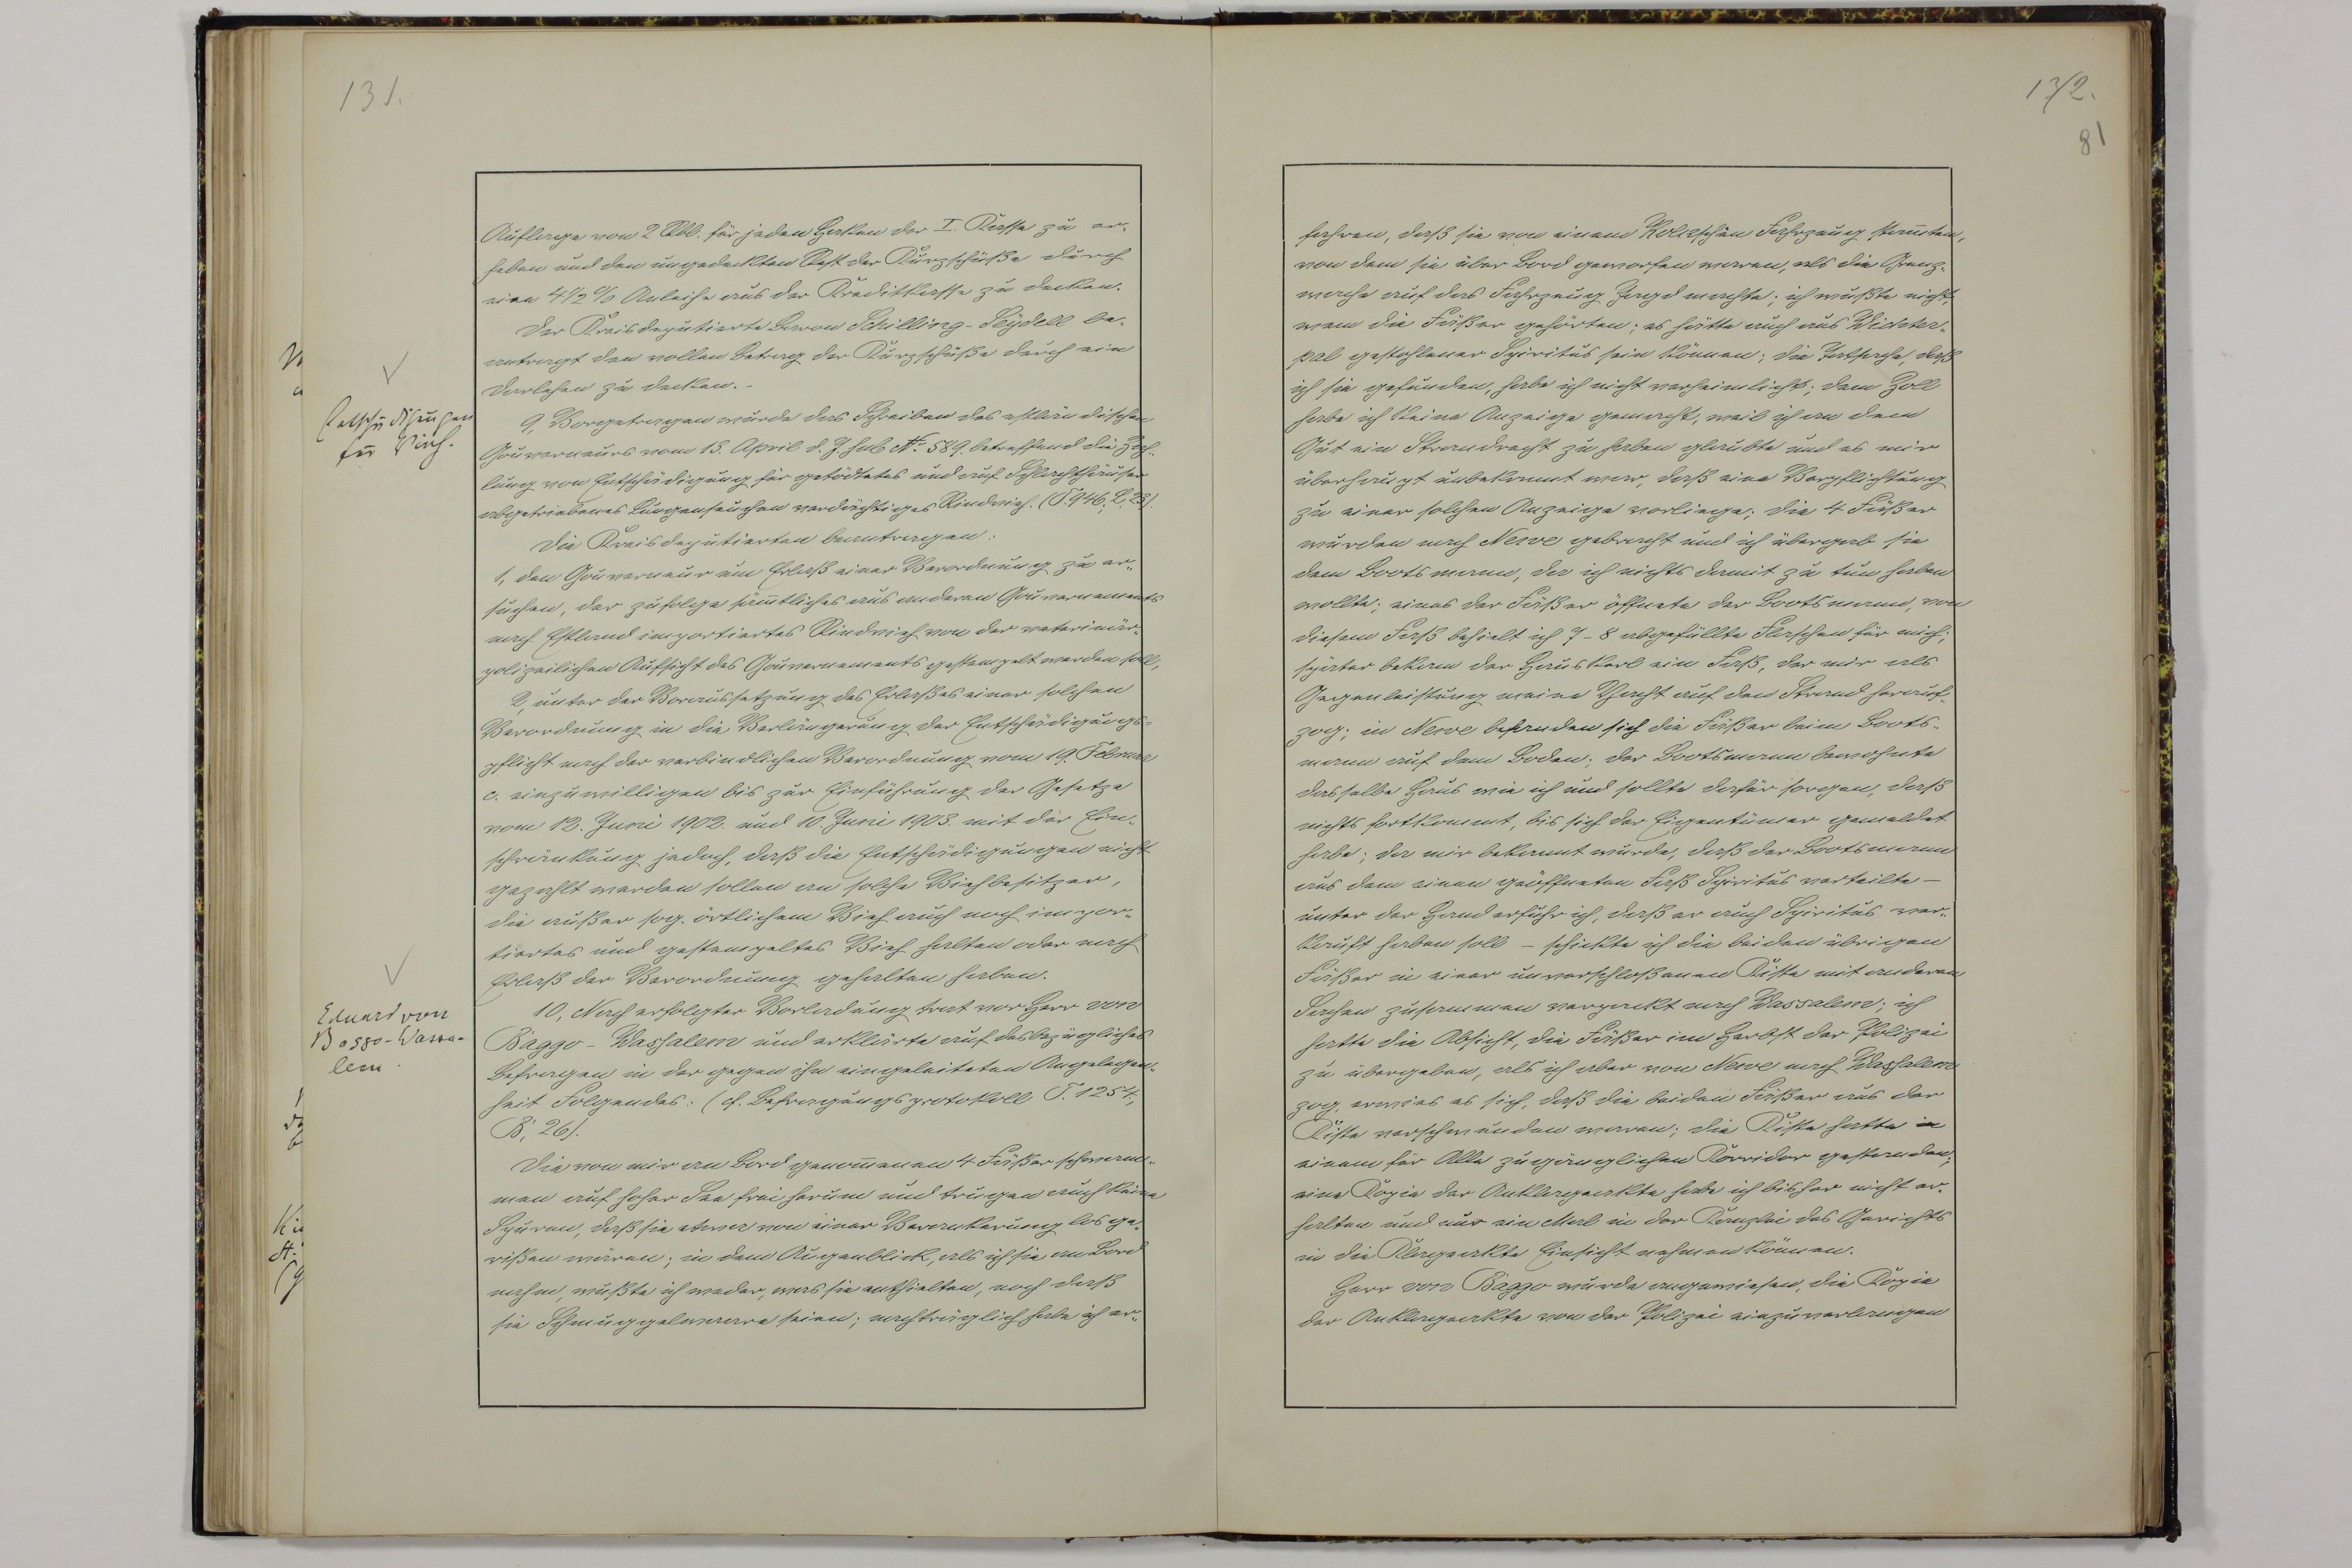Entschädigungen
für Vieh
Eduard von
Baggo-Wassa
lem
Auflage von 2 Rbl. für jeden Haken der I. Kasse zu er-
heben und den ungedeckten Rest der Kurzschüße durch
eine 4½ % Anleihe aus der Kreditkasse zu decken.
Der Kreisdeputierte Baron Schilling-Seydell be-
antragt den vollen Betrag der Kurzschüße durch ein
Darlehen zu decken.
9. Vorgetragen wurde das Schreiben des estländischen
Gouverneurs vom 15. April d.J. sub No. 589. betreffend die Zah-
lung von Entschädigung für getödtetes und auf Schlachthäuser
abgetriebenes Lungenseuchen verdächtiges Rindvieh. (T.946; L.23).
Die Kreisdeputierten beantragen:
1. den Gouverneur um Erlaß einer Verordnung zu er-
suchen, der zufolge sämmtliches aus anderen Gouvernements
nach Estland importiertes Rindvieh von der veterinär-
polizeilichen Aufsicht des Gouvernements gestempelt werden soll,
2. unter der Voraussetzung des Erlaßes einer solchen
Verordnung in die Verlängerung der Entschädigungs-
pflicht nach der verbindlichen Verordnung vom 19. Februar
c. einzuwilligen bis zur Einführung der Gesetze
vom 12. Juni 1902. und 10. Juni 1903. mit der Ein-
schränkung jedoch, daß die Entschädigungen nicht
gezahlt werden sollen an solche Viehbesitzer,
die außer sog. örtlichem Vieh auch noch impor-
tiertes und gestempeltes Vieh halten oder nach
Erlaß der Verordnung gehalten haben.
10. Nach erfolgter Vorladung trat vor Herr von
Baggo-Wassalem und erklärte auf desbezügliches
Befragen in der gegen ihn eingeleiteten Angelegen-
heit Folgendes: (cf. Befragungsprotokoll T.1254,
B.26).
Die von mir an Bord genommenen 4 Fäßer schwam-
men auf hoher See frei herum und trugen auch keine
Spuren, daß sie etwa von einer Verankerung losge-
rißen wären; in dem Augenblick, als ich sie an Bord
nahm, wußte ich weder, was sie enthielten, noch daß
sie Schmuggelwaare seien; nachträglich habe ich er-
fahren, daß sie von einem Kolkschen Fahrzeug stammten,
von dem sie über Bord geworfen waren, als die Grenz-
wache auf das Fahrzeug Jagd machte; ich wußte nicht,
wem die Fäßer gehörten; es hätte auch aus Wichter-
pal gestohlener Spiritus sein können; die Tatsache, daß
ich sie gefunden, habe ich nicht verheimlicht; dem Zoll
habe ich keine Anzeige gemacht, weil ich an dem
Gut ein Strandrecht zu haben glaubte und es mir
überhaupt unbekannt war, daß eine Verpflichtung
zu einer solchen Anzeige vorliege; die 4 Fäßer
wurden nach Newe gebracht und ich übergab sie
dem Bootsmann, da ich nichts damit zu tun haben
wollte; eines der Fäßer öffnete der Bootsmann, von
diesem Faß behielt ich 7 – 8 abgefüllte Flaschen für mich;
später bekam der Hauskerl ein Faß, der mir als
Gegenleistung meine Yacht auf den Strand herauf-
zog; in Newe befanden sich die Fässer beim Boots-
mann auf dem Boden; der Bootsmann bewohnte
dasselbe Haus wie ich und sollte dafür sorgen, daß
nichts fortkommt, bis sich der Eigentümer gemeldet
habe; da mir bekannt wurde, daß der Bootsmann
aus dem einen geöffneten Faß Spiritus verteilte –
unter der Hand erfuhr ich, daß er auch Spiritus ver-
kauft haben soll – schickte ich die beiden übrigen
Fäßer in einer unverschloßenen Kiste mit anderen
Sachen zusammen verpackt nach Wassalem; ich
hatte die Absicht, die Fäßer im Herbst der Polizei
zu übergeben, als ich aber von Newe nach Wassalem
zog, erwies es sich, daß die beiden Fäßer aus der
Kiste verschwunden waren; die Kiste hatte in
einem für Alle zugänglichen Korridor gestanden;
eine Kopie der Anklageakte habe ich bisher nicht er-
halten und nur ein Mal in der Kanzlei des Gerichts
in die Klageakte Einsicht nehmen können.
Herr von Baggo wurde angewiesen, die Kopie
der Anklageakte von der Polizei einzuverlangen